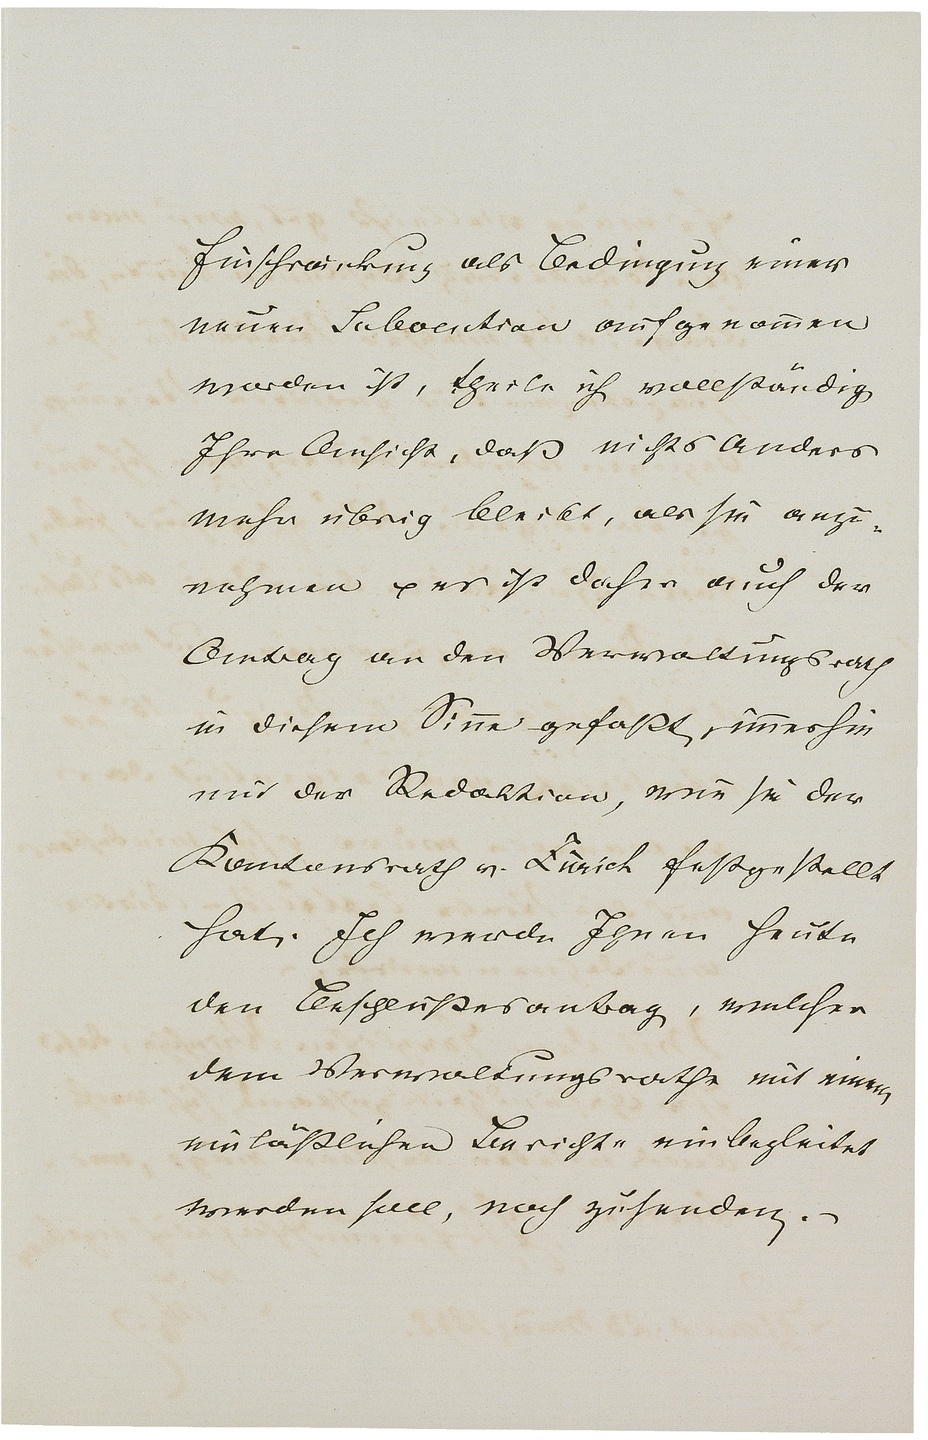Einschränkung als Bedingung einer
neuen Subvention aufgenommen
worden ist, theile ich vollständig
Ihre Ansicht, daß nichts Anders
mehr übrig bleibt, als sie anzu-
nehmen & es ist daher auch der
Antrag an den Verwaltungsrath
in diesem Sinne gefaßt, immerhin
mit der Redaktion, wenn sie der
Kantonsrath v. Zürich festgestellt
hat. Ich werde Ihnen heute
den Beschlußesantrag, welcher
dem Verwaltungsrathe mit einem
einläßlichen Berichte einbegleitet
werden soll, noch zusenden. –